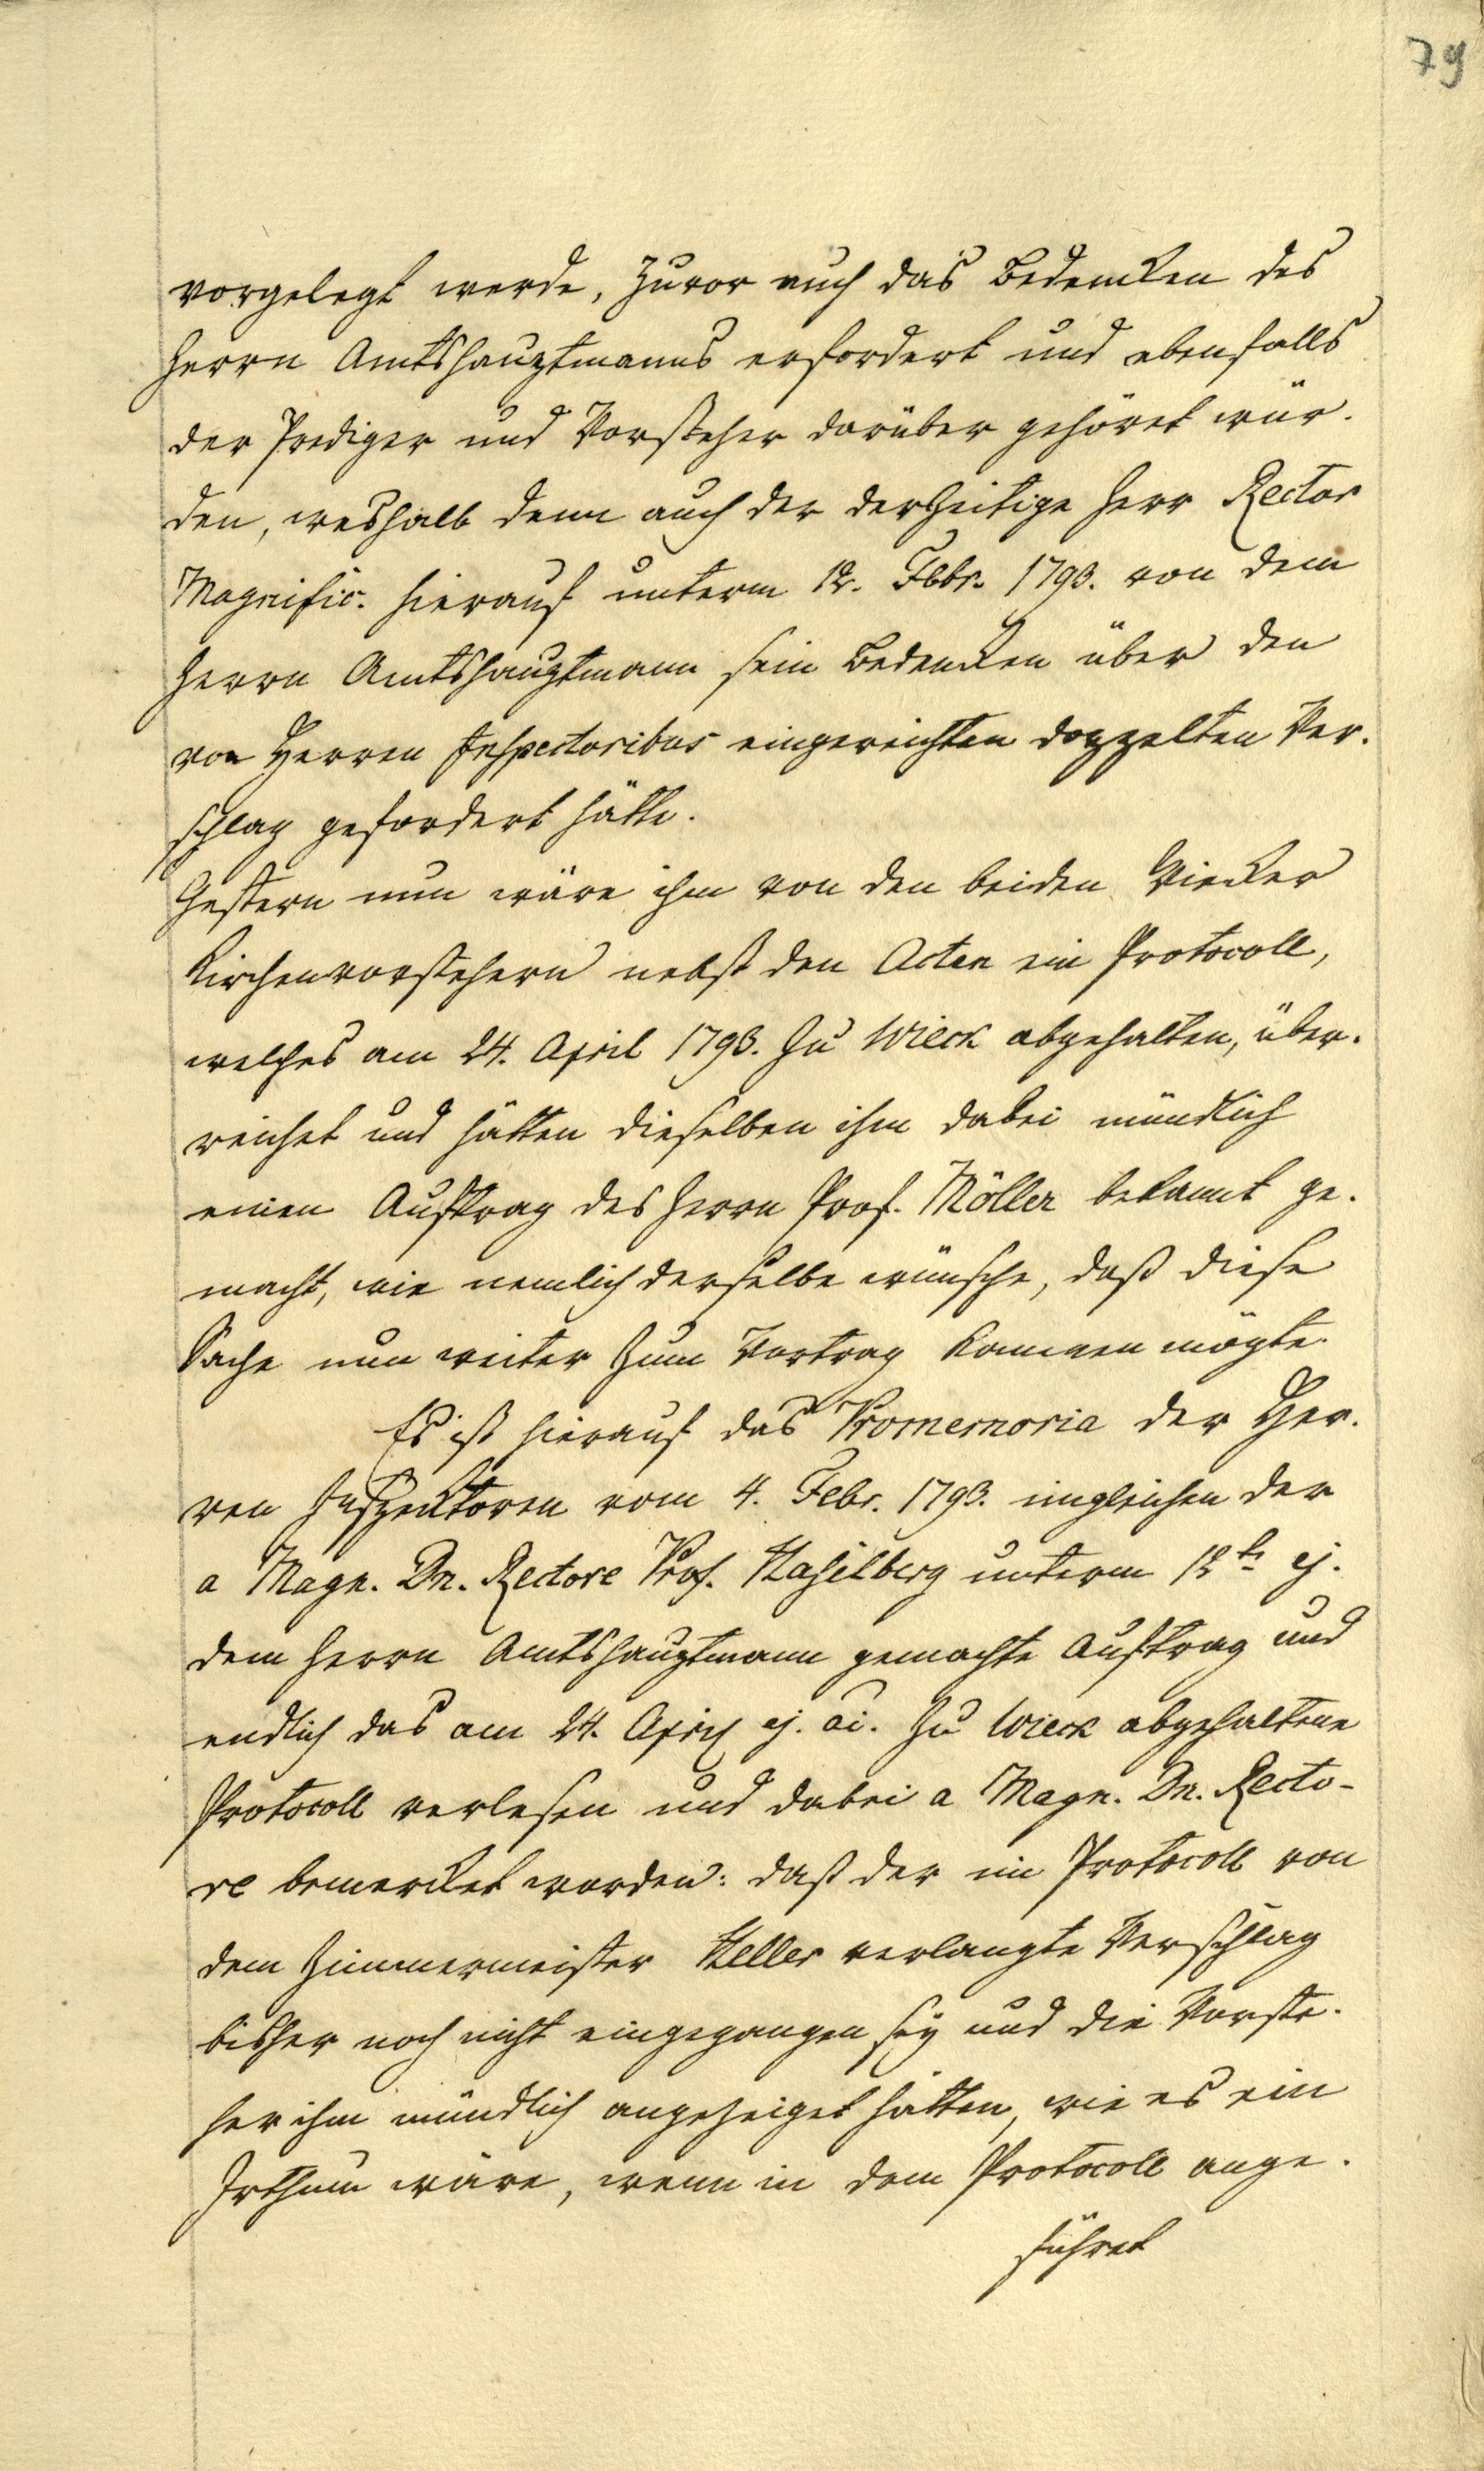vorgelegt werde, zuvor auch das Bedencken des
Herrn Amtshauptmanns erfordert und ebenfalls
der Prediger und Vorsteher darüber gehöret wür¬
den, weshalb denn auch der derzeitige Herr Rector
Magnific. hierauf unterm 12. Febr. 1793. von dem
Herrn Amtshauptmann sein Bedencken über den
von Herren Inspectoribus eingereichten doppelten Ver¬
schlag gefordert hätte.
Gestern nun wäre ihm von den beiden Wiecker
Kirchenvorstehern nebst den Acten ein Protocoll,
welches am 24. April 1793. zu Wieck abgehalten, über¬
reichet und hätten dieselben ihm dabei mündlich
einen Auftrag des Herrn Prof. Möller bekannt ge¬
macht, wie nemlich derselbe wünsche, daß diese
Sache nun weiter zum Vortrag kommen mögte.
Es ist hierauf das Promemoria der Her¬
ren Inspecktoren vom 4. Febr. 1793. imgleichen der
a Magn. Dn. Rectore Prof. Haselberg unterm 12. ej.
dem Herrn Amtshauptmann gemachte Auftrag und
endlich das am 24. April ej. ai. zu Wieck abgehaltene
Protocoll verlesen und dabei a Magn. Dn. Recto¬
re bemercket worden: daß der im Protocoll von
dem Zimmermeister Heller verlangte Verschlag
bisher noch nicht eingegangen seÿ und die Vorste¬
her ihm mündlich angezeiget hätten, wie es ein
Irthum wäre, wenn in dem Protocoll ange¬
führet